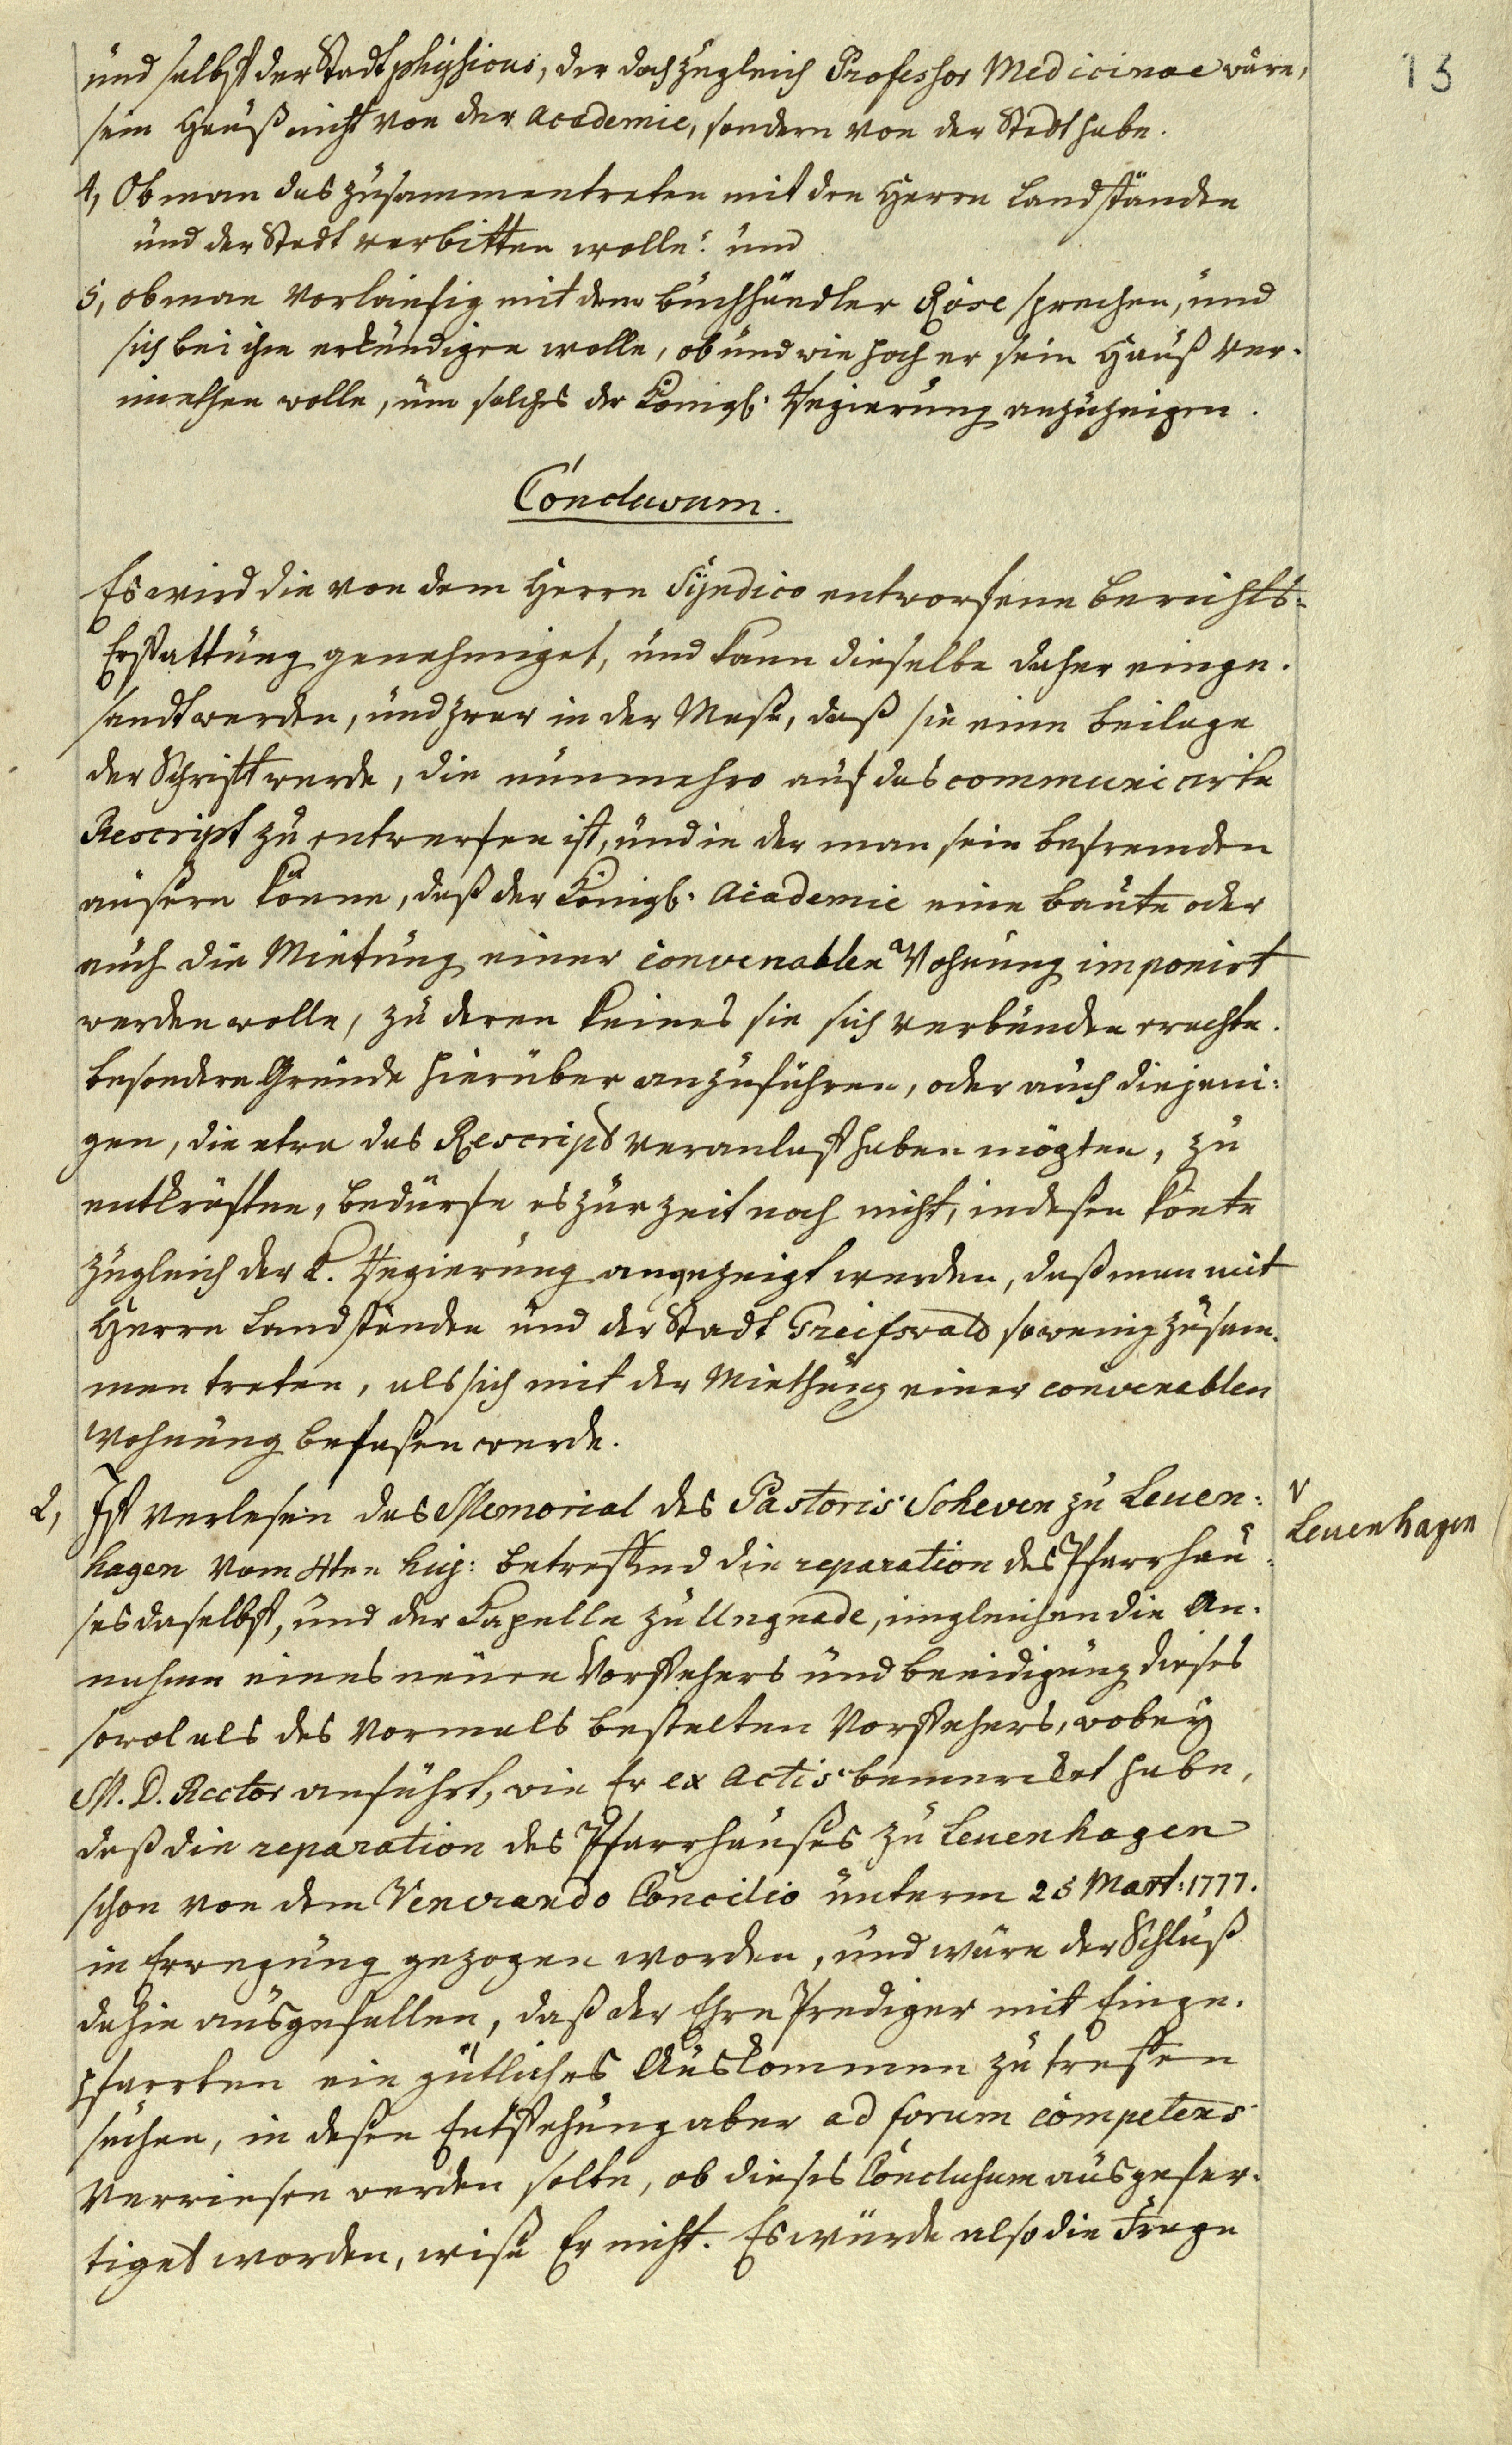und selbst der Stadtphÿsicus, der doch zugleich Professor Medicinae wäre,
sein Haus nicht von der Academie, sondern von der Stadt habe.
4, Ob man das Zusammentreten mit den Herrn Landständen
und der Stadt verbitten wolle, um
5, ob man vorläufig mit dem Buchhändler Röse sprechen, und
sich bei ihm erkundigen wolle, ob und wie hoch er sein Haus ver¬
miethen wolle, um solches der Königl. Regierung anzuzeigen.
Conclusum.
Es wird die von dem Herrn Sÿndico entworfene Berichts¬
Erstattung genehmiget, und kann dieselbe daher einge¬
sandt werden, und zwar in der Maße, daß sie eine Beilage
der Schrift werde, die nunmehro auf das communicirte
Rescript zu entwerfen ist, und in der man sein Befremden
äußern könne, daß der Königl. Academie eine Baute oder
auch die Mietung einer convenablen Wohnung imponirt
werden wolle, zu deren keines die sich verbunden erachte,
besondere Gründe hierüber anzuführen, oder auch diejeni¬
gen, die etwa das Rescript veranlast haben mögten, zu
entkräften, bedürfe es zur Zeit noch nicht, indeßen könte
zugleich der K. Regierung angezeigt werden, daß wenn mit
Herrn Landständen und der Stadt Greifswald sowenig zusam¬
men treten, als sich mit der Miethung einer convenablen
Wohnung befaßen werde.
2, Ist verlesen das Memorial des Pastoris Scheven zu Leven¬
hagen vom 4 ten huj. betreffend die reparation des Pfarrhau¬
ses daselbst, und der kapelle zu Ungnade, imgleichen die An¬
nahme eines neuen Vorstehers und Beeidigung dieses
sowol als des vormals bestelten Vorstehers, wobeÿ
M. D. Rector anführt, wie Er ex Actis bemercket habe,
daß die reparation des Pfarrhauses zu Levenhagen
schon von dem Venerando Concilio unterm 23 Mart. 1777.
in Erwegung gezogen worden, und wäre der Schluß
dahin ausgefallen, daß der Ehre Prediger mit Einge¬
pfarrten ein gütliches Auskommen zu treffen
suchen, in deßen Entstehung aber ad forum competens
verwiesen werden solte, ob dieses Conclusum ausgefer¬
tiget worden, wiße Er nicht. Es würde also die Frage